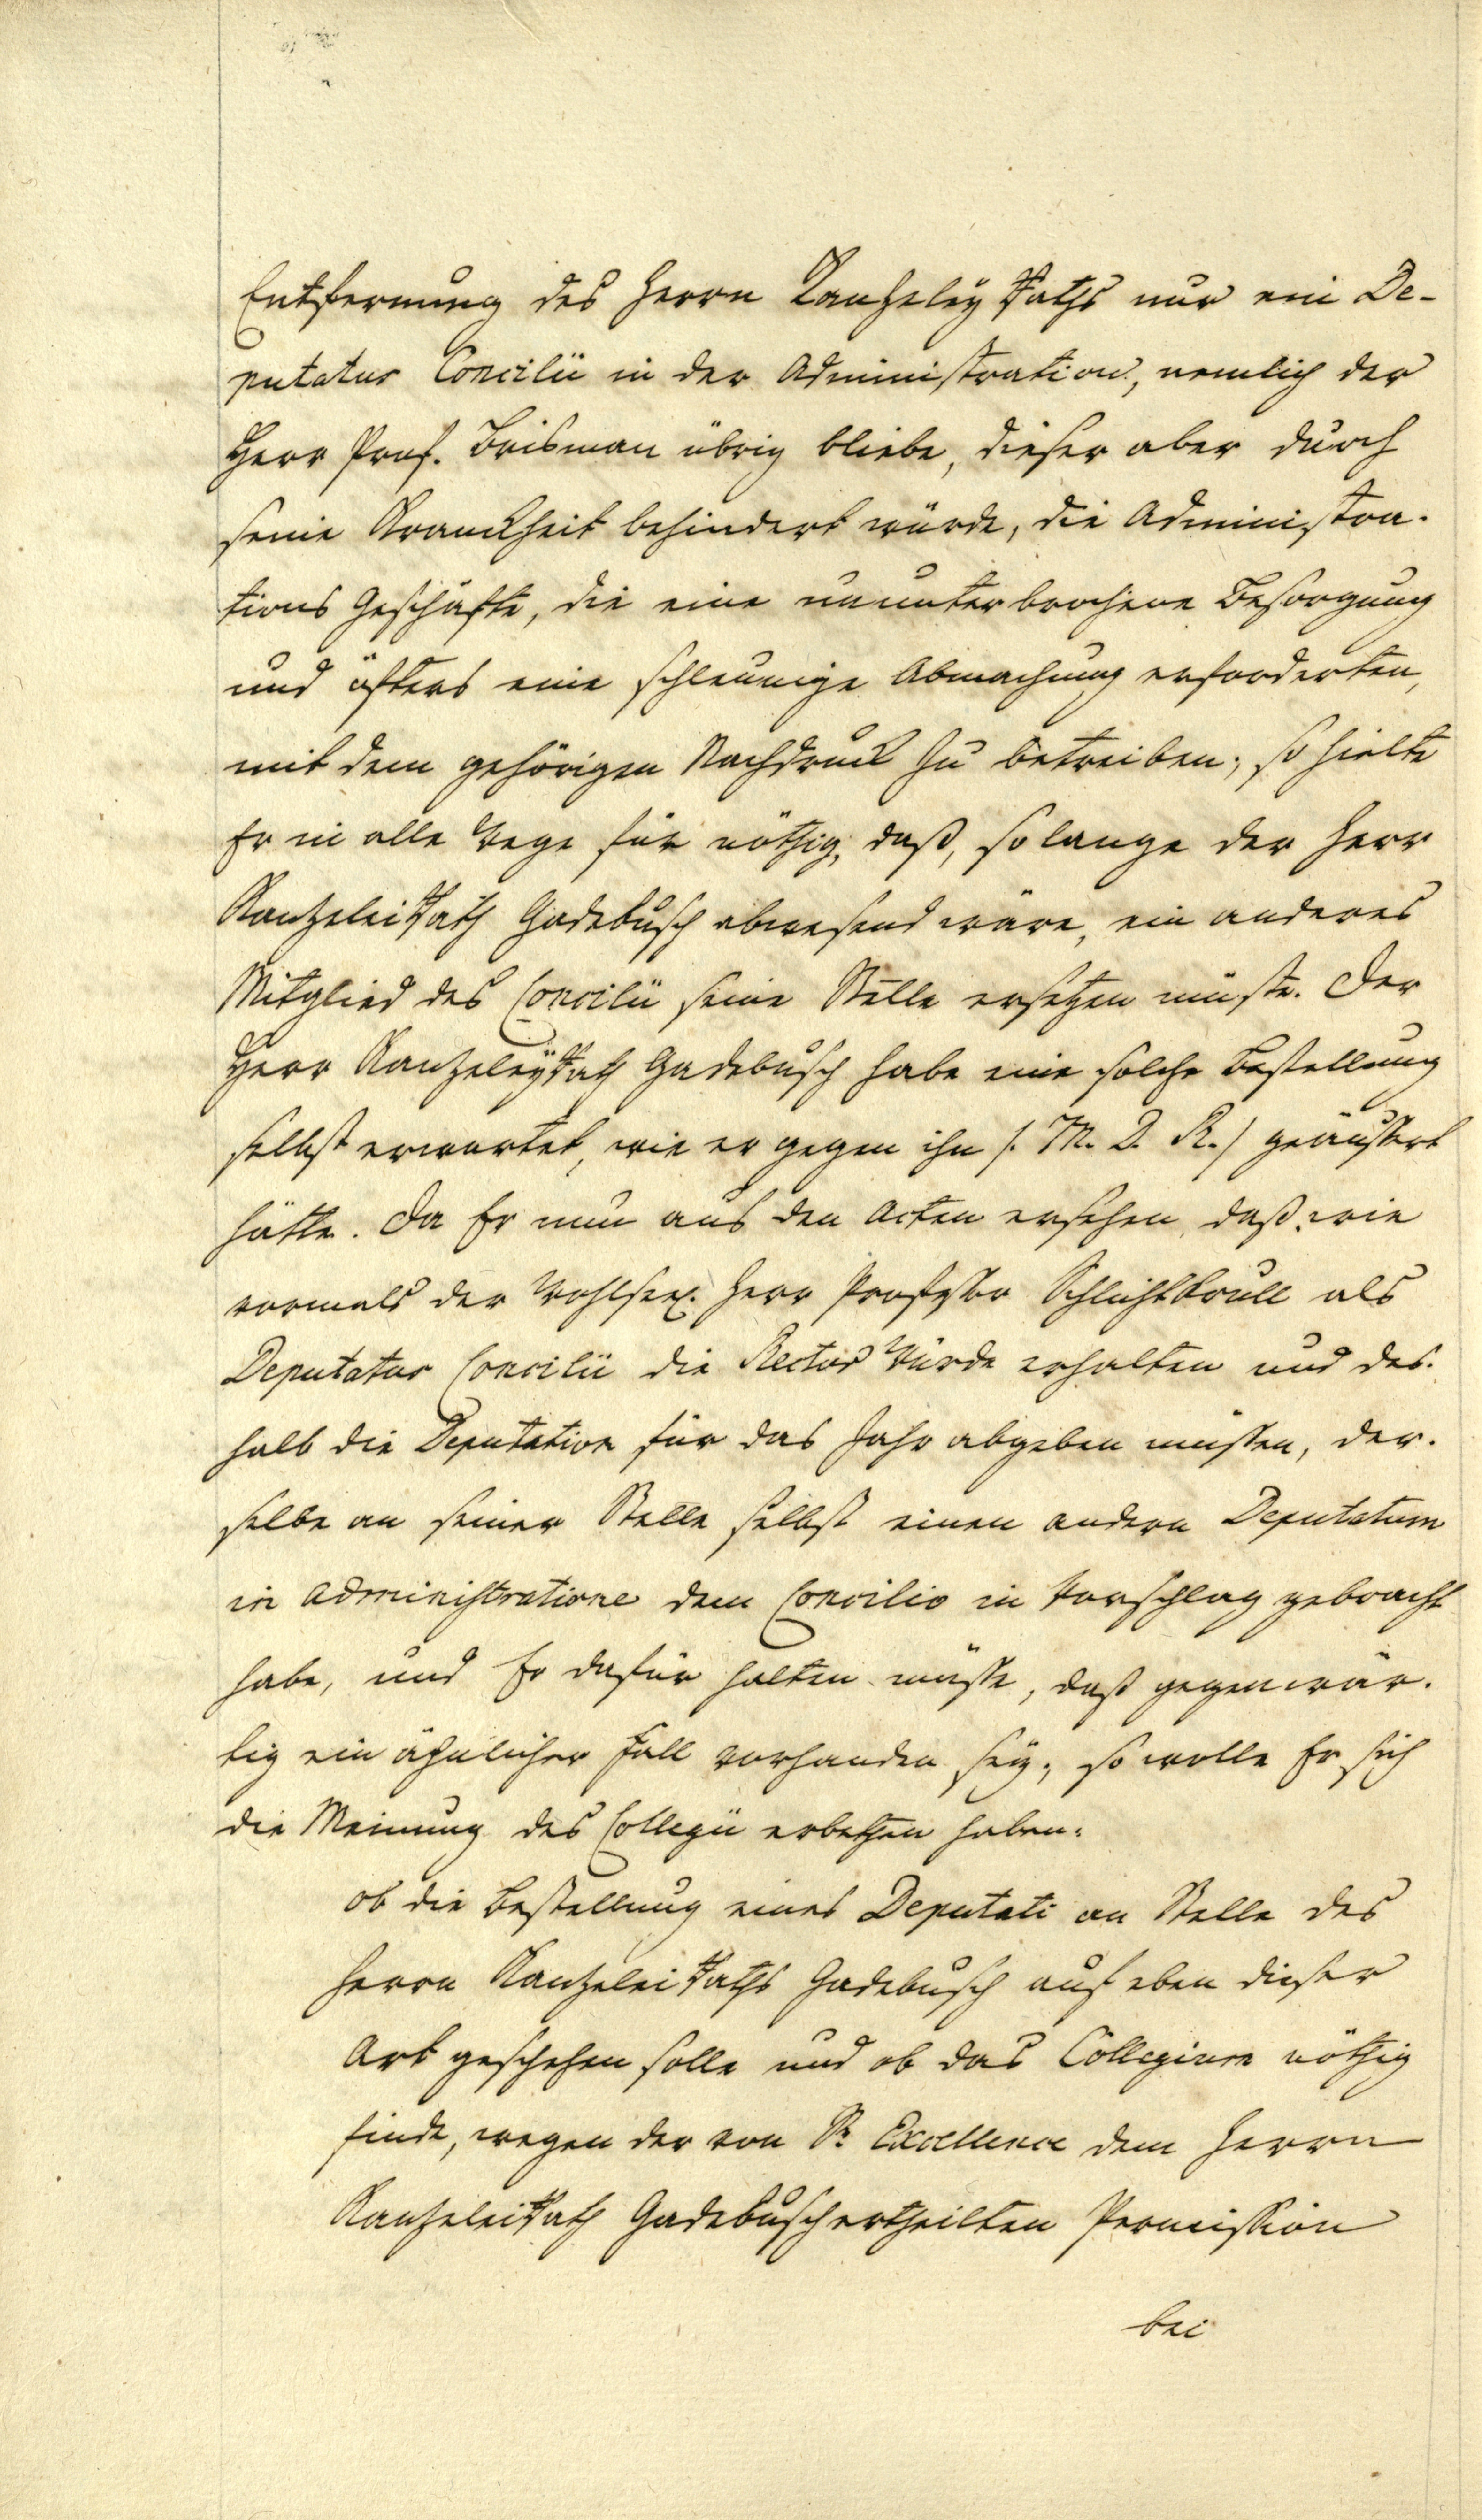Entfernung des Herrn Kanzeleÿ Raths nur ein De¬
putatus Concilii in der Administration, nemlich der
Herr Prof. Brisman übrig bliebe, dieser aber durch
seine Kranckheit behindert würde, die Administra¬
tions Geschäfte, die eine ununterbrochene Besorgung
und öfters eine schleunige Abmachung erforderten,
mit dem gehörigen Nachdruck zu betreiben; so hielte
Er in alle Wege für nöthig, daß, solange der Herr
KanzeleiRath Gadebusch abwesend wäre, ein anderes
Mitglied des Concilii seine Stelle ersetzen müßte. Der
Herr KanzeleÿRath Gadebusch habe eine solche Bestellung
selbst erwartet, wie er gegen ihn /. M. D. R./ geäussert
hätte. Da Er nun aus den Acten ersehen, daß wie
vormals der Wohlseel. Herr Professor Schlichtkrull als
Deputatus Concilii die Rector Würde erhalten und des¬
halb die Deputation für das Jahr abgeben müssen, der¬
selbe an seiner Stelle selbst einen andern Deputatum
in Administratione dem Concilio in Vorschlag gebracht
habe, und Er dafür halten müsse, daß gegenwär¬
tig ein ähnlicher Fall vorhanden seÿ, so wolle Er sich
die Meinung des Collegii erbethen haben:
ob die Bestellung eines Deputati an Stelle des
Herrn KanzeleiRaths Gadebusch auf eben dieser
Art geschehen solle und ob das Collegium nöthig
finde, wegen der von Sr Excellence dem Herrn
KanzeleiRath Gadebusch ertheilten Permission
bei